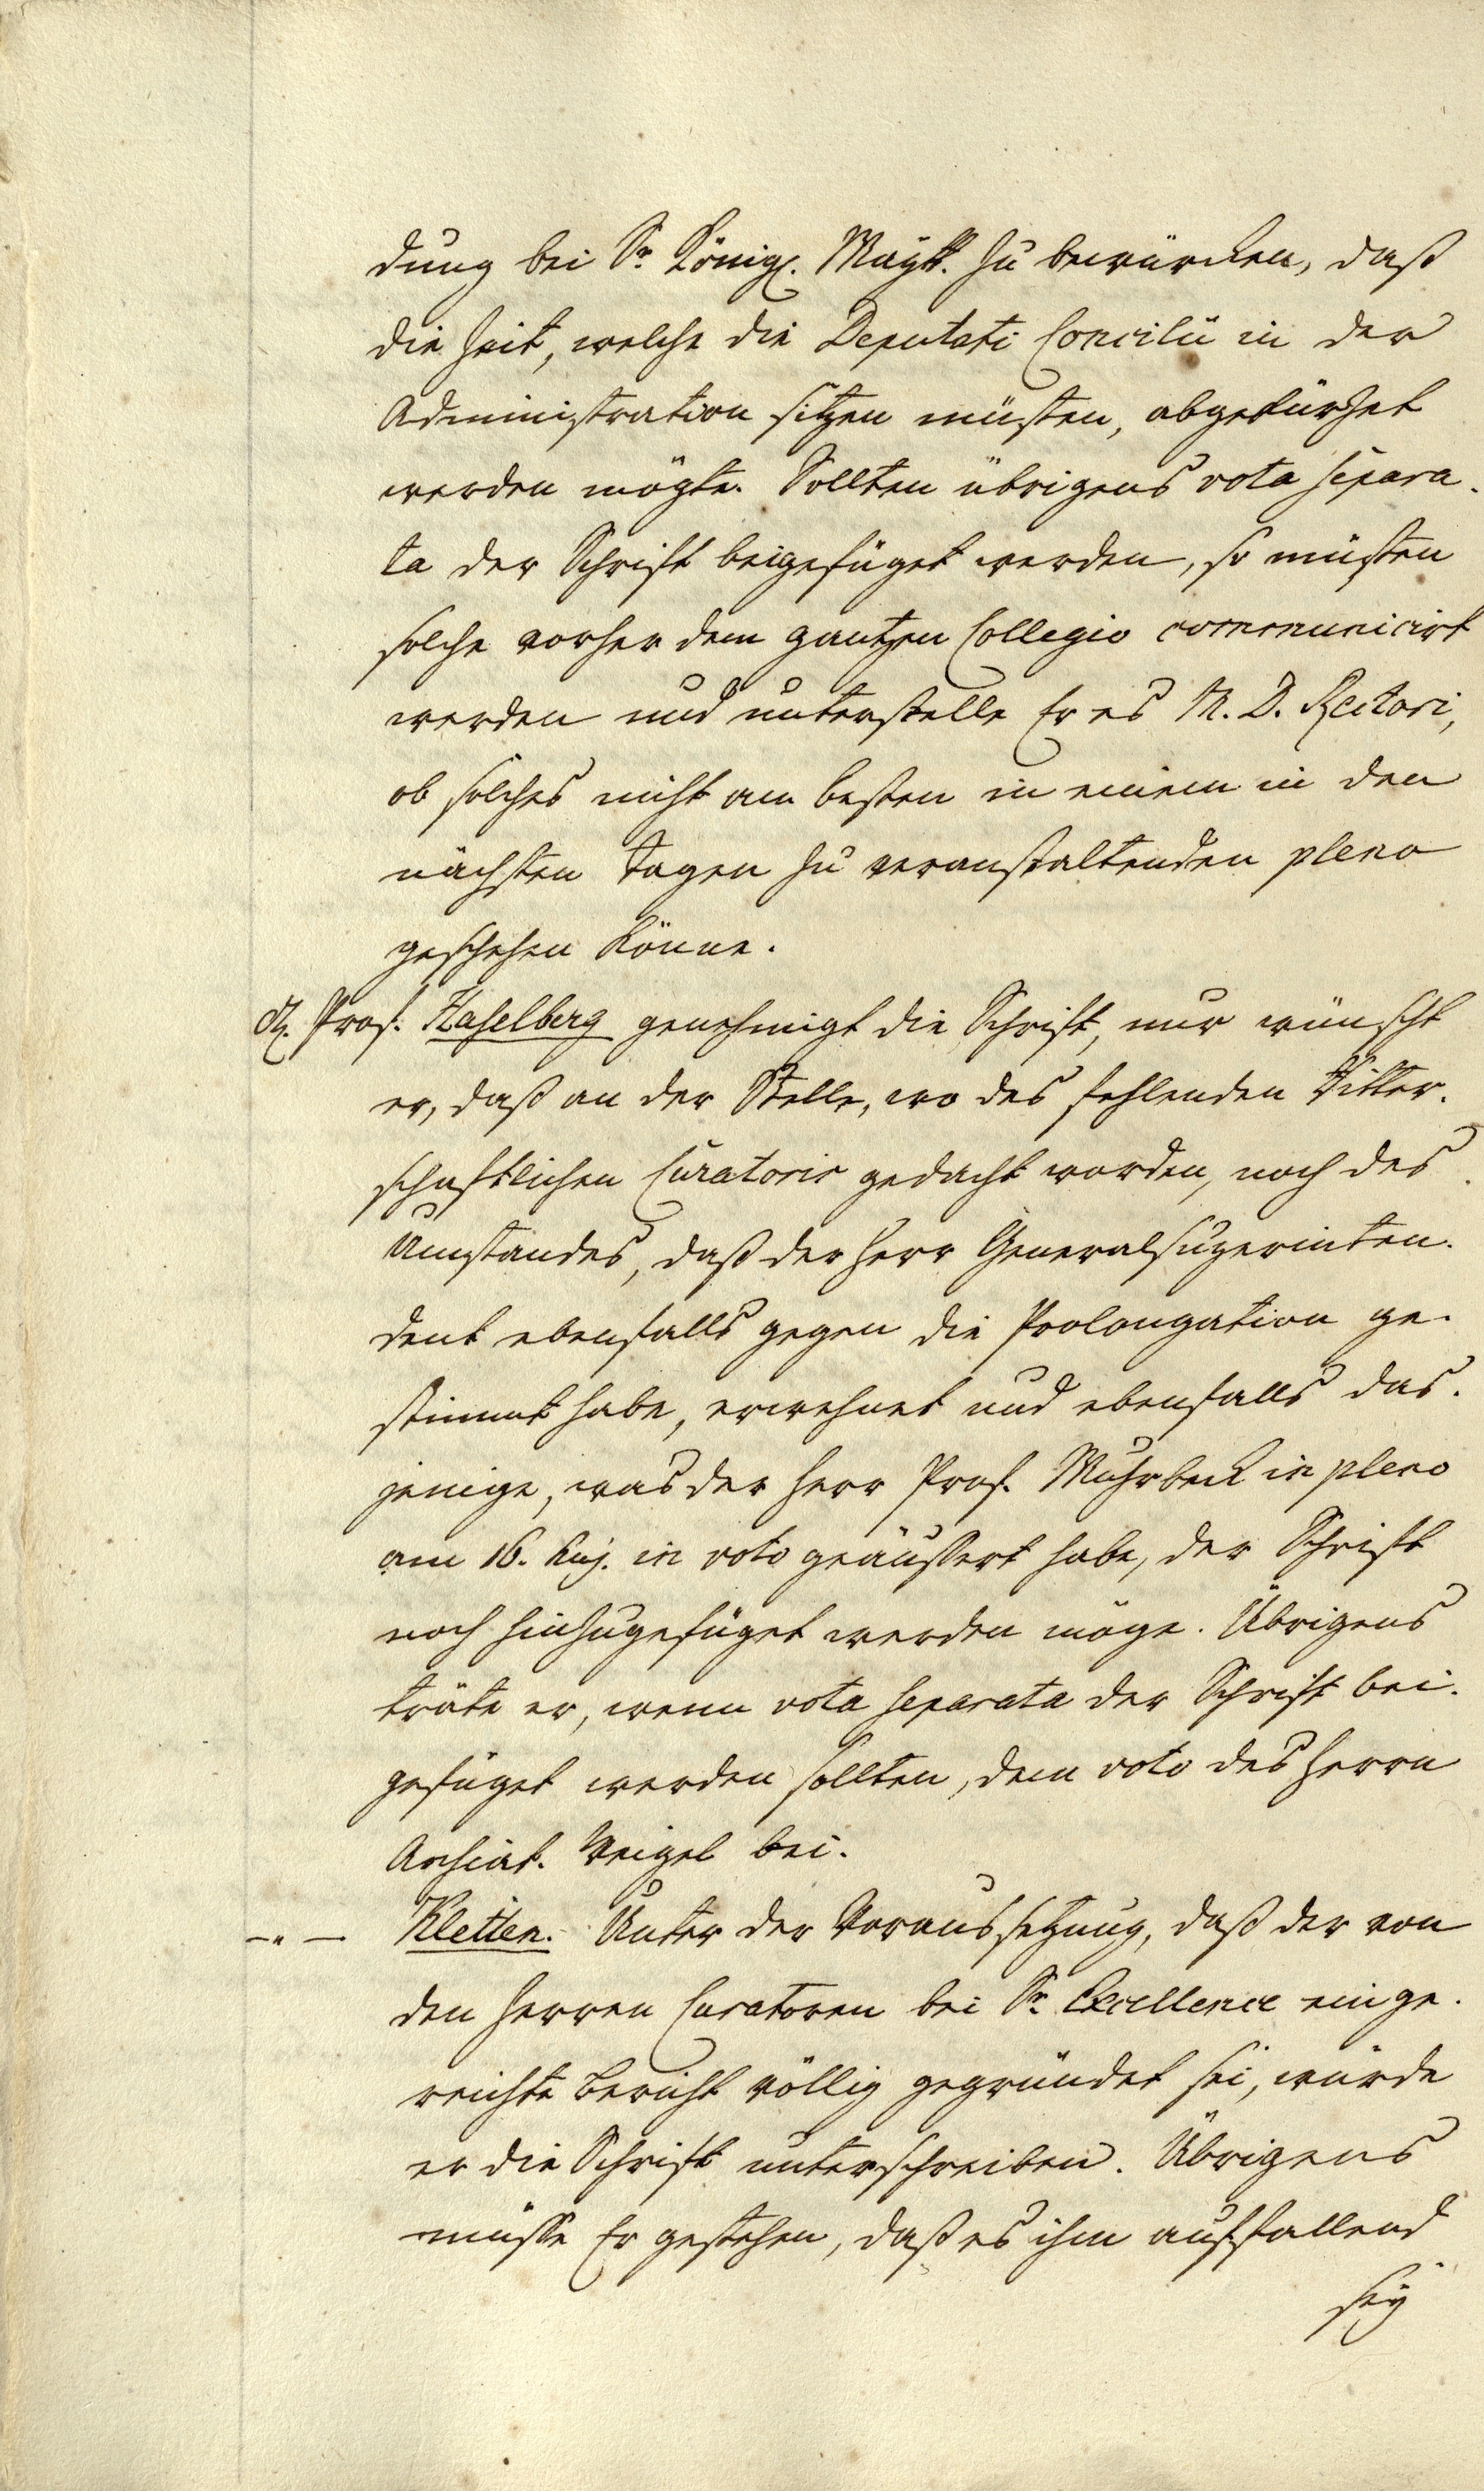dung bei Sr Königl. Maÿtt: zu bewürcken, daß
die Zeit, welche die Deputati Concilii in der
Administration sitzen müßten, abgekürzet
werden mögte. Sollten übrigens vota separa¬
ta der Schrift beigefüget werden, so müsten
solche vorher dem gantzen Collegio communicirt
werden und unterstelle Er es M. D. Rectori,
ob solches nicht am besten in einem in den
nächsten Tagen zu veranstaltenden pleno
geschehen könne.
dh. Prof. Haselberg genehmigt die Schrift, nur wünscht
er, daß an der Stelle, wo des fehlenden Ritter¬
schaftlichen Curatoris gedacht worden, noch des
Umstandes, daß der Herr Generalsuperinten¬
dent ebenfalls gegen die Prolongation ge¬
stimmt habe, erwehnet und ebenfalls das¬
jenige, was der Herr Prof. Muhrbeck in pleno
am 16. huj. in voto geäussert habe, der Schrift
noch hinzugefüget werden möge. Übrigens
träte er, wenn vota separata der Schrift bei¬
gefüget werden sollten, dem voto des Herrn
Archiat. Weigel bei.
Kletten. Unter der Voraussetzung, daß der von
den Herren Curatoren bei Sr Excellence einge¬
reichte Bericht völlig gegründet sei, würde
er die Schrift unterschreiben. Übrigens
müsse Er gestehen, daß es ihm auffallend
seÿ